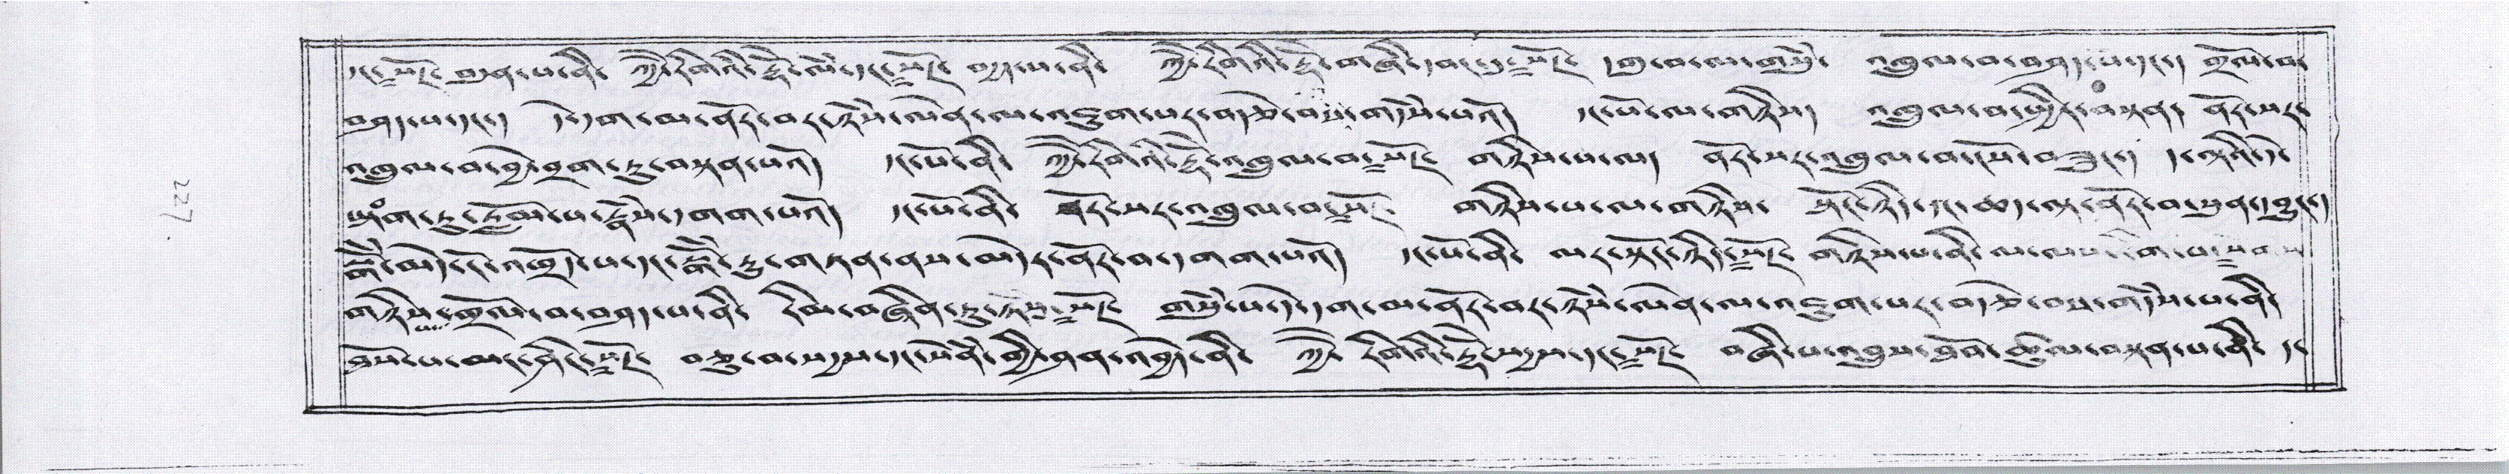དང་སོགས། བདུན་པ་ནི། ཀྱཻ་རིག་པའི་རྡོ་རྗེ་ལམ་དང་སོགས། བརྒྱད་པ་ནི། ཀྱཻ་རིག་པའི་རྡོ་རྗེ་གཞི་དབང་དུ་སོགས། དགུ་པ་ལ་གསུམ། འཁྲུལ་བ་བཤད་པ་དང། གྲོལ་བ་
བཤད་པ་དང། དེ་དག་མ་ནོར་བ་ཉམས་ལེན་ལ་འཇུག་པར་བརྩེ་བས་གདམས་པའོ། དང་པོ་ལ་གཉིས། འཁྲུལ་བ་སྤྱིར་བསྟན། ནོར་སར་
འཁྲུལ་བ་བྱེ་བྲག་ཏུ་བསྟན་པའོ། དང་པོ་ནི། ཀྱཻ་རིག་པའི་རྡོ་རྗེ་འཁྲུལ་བ་སོགས། གཉིས་པ་ལ། ནོར་སར་འཁྲུལ་བ་ངོས་བཟུང། ད་ལྟའི་དེ་༼༽
ཏུ་རློམ་པ་རྣམས་དགག་པའོ། དང་པོ་ནི། ནོར་སར་འཁྲུལ་བ་སོགས། གཉིས་པ་ལ་གཉིས། སྟོང་ཉིད་དང་ཆད་ལྟ་ནོར་བ་སུན་དབྱུང། 
སྒོམ་མེད་ངོ་འཕྲོད་པ་དང་སྒོམ་རྒྱུ་གཏན་ནས་མེད་པར་ནོར་བ་དགག་པའོ། དང་པོ་ནི། ལར་སྟོང་ཉིད་སོགས། གཉིས་པ་ནི་ལ་ལས་རིག་པ་སོགས། 
གཉིས་པས་གྲོལ་བ་བཤད་པ་ནི། རིམ་བཞིན་ཏུ་ཉམས་སུ་སོགས། གསུམ་པ་དེ་དག་མ་ནོར་བར་ཉམས་ལེན་ལ་འཇུག་པར་བརྩེ་བས་གདམས་པ་ནི། 
ཐོས་པ་མང་ཤིང་སོགས། བཅུ་པ་སངས་རྒྱས་དང་སེམས་ཅན་གྱི་ཤན་འབྱེད་ནི། ཀྱཻ་རིག་པའི་རྡོ་རྗེ་སངས་རྒྱས་དང་སོགས། བཞི་པ་འབྲས་བུ་ཐོབ་ཚུལ་བསྟན་པ་ནི། ད་